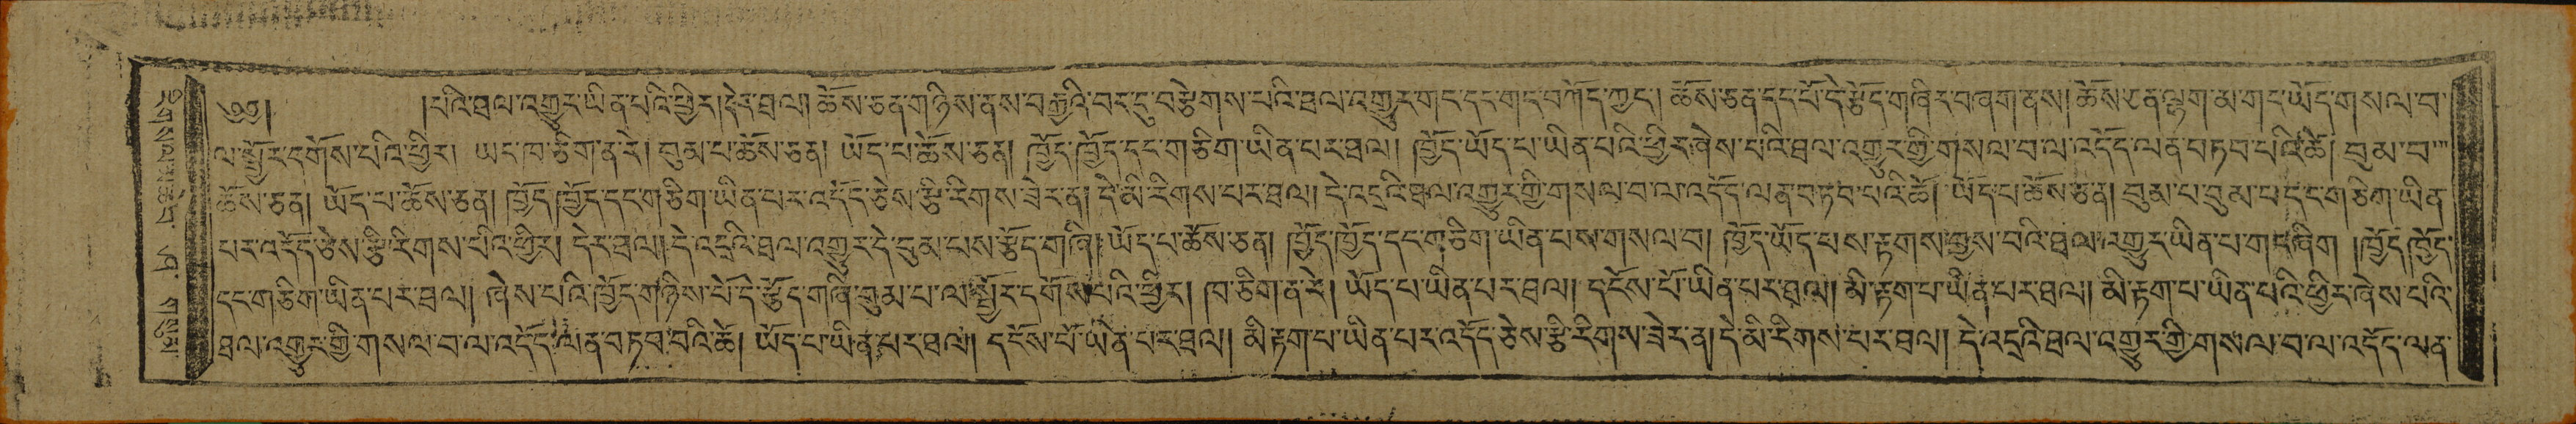༄༅། །པའི་ཐལ་འགྱུར་ཡིན་པའི་ཕྱིར། དེར་ཐལ། ཆོས་ཅན་གཉིས་ནས་བརྒྱའི་བར་དུ་བརྩེགས་པའི་ཐལ་འགྱུར་གང་དང་གང་བཀོད་ཀྱང་། ཆོས་ཅན་དང་པོ་དེ་རྩོད་གཞིར་བཞག་ནས། ཆོས་ཅན་ལྷག་མ་གང་ཡོད་གསལ་བ་
ལ་སྦྱོར་དགོས་པའི་ཕྱིར། ཡང་ཁ་ཅིག་ན་རེ། བུམ་པ་ཆོས་ཅན། ཡོད་པ་ཆོས་ཅན། ཁྱོད་ཁྱོད་དང་གཅིག་ཡིན་པར་ཐལ། ཁྱོད་ཡོད་པ་ཡིན་པའི་ཕྱིར་ཞེས་པའི་ཐལ་འགྱུར་གྱི་གསལ་བ་ལ་འདོད་ལན་བཏབ་པའི་ཚེ། བུམ་བ་
ཆོས་ཅན། ཡོད་པ་ཆོས་ཅན། ཁྱོད་ཁྱོད་དང་གཅིག་ཡིན་པར་འདོད་ཅེས་རྩི་རིགས་ཟེར་ན། དེ་མི་རིགས་པར་ཐལ། དེ་འདྲའི་ཐལ་འགྱུར་གྱི་གསལ་བ་ལ་འདོད་ལན་བཏབ་པའི་ཚེ། ཡོད་པ་ཆོས་ཅན། བུམ་པ་བུམ་པ་དང་གཅིག་ཡིན་
པར་འདོད་ཅེས་རྩི་རིགས་པའི་ཕྱིར། དེར་ཐལ། དེ་འདྲའི་ཐལ་འགྱུར་དེ་བུམ་པས་རྩོད་གཞི། ཡོད་པ་ཆོས་ཅན། ཁྱོད་ཁྱོད་དང་གཅིག་ཡིན་པས་གསལ་བ། ཁྱོད་ཡོད་པས་རྟགས་བྱས་པའི་ཐལ་འགྱུར་ཡིན་པ་གང་ཞིག །ཁྱོད་ཁྱོད་
དང་གཅིག་ཡིན་པར་ཐལ། ཞེས་པའི་ཁྱོད་གཉིས་པོ་དེ་རྩོད་གཞི་བུམ་པ་ལ་སྦྱོར་དགོས་པའི་ཕྱིར། ཁ་ཅིག་ན་རེ། ཡོད་པ་ཡིན་པར་ཐལ། དངོས་པོ་ཡིན་པར་ཐལ། མི་རྟག་པ་ཡིན་པར་ཐལ། མི་རྟག་པ་ཡིན་པའི་ཕྱིར་ཞེས་པའི་
ཐལ་འགྱུར་གྱི་གསལ་བ་ལ་འདོད་ལན་བཏབ་བའི་ཚེ། ཡོད་པ་ཡིན་པར་ཐལ། དངོས་པོ་ཡིན་པར་ཐལ། མི་རྟག་པ་ཡིན་པར་འདོད་ཅེས་རྩི་རིགས་ཟེར་ན། དེ་མི་རིགས་པར་ཐལ། དེ་འདྲའི་ཐལ་འགྱུར་གྱི་གསལ་བ་ལ་འདོད་ལན་